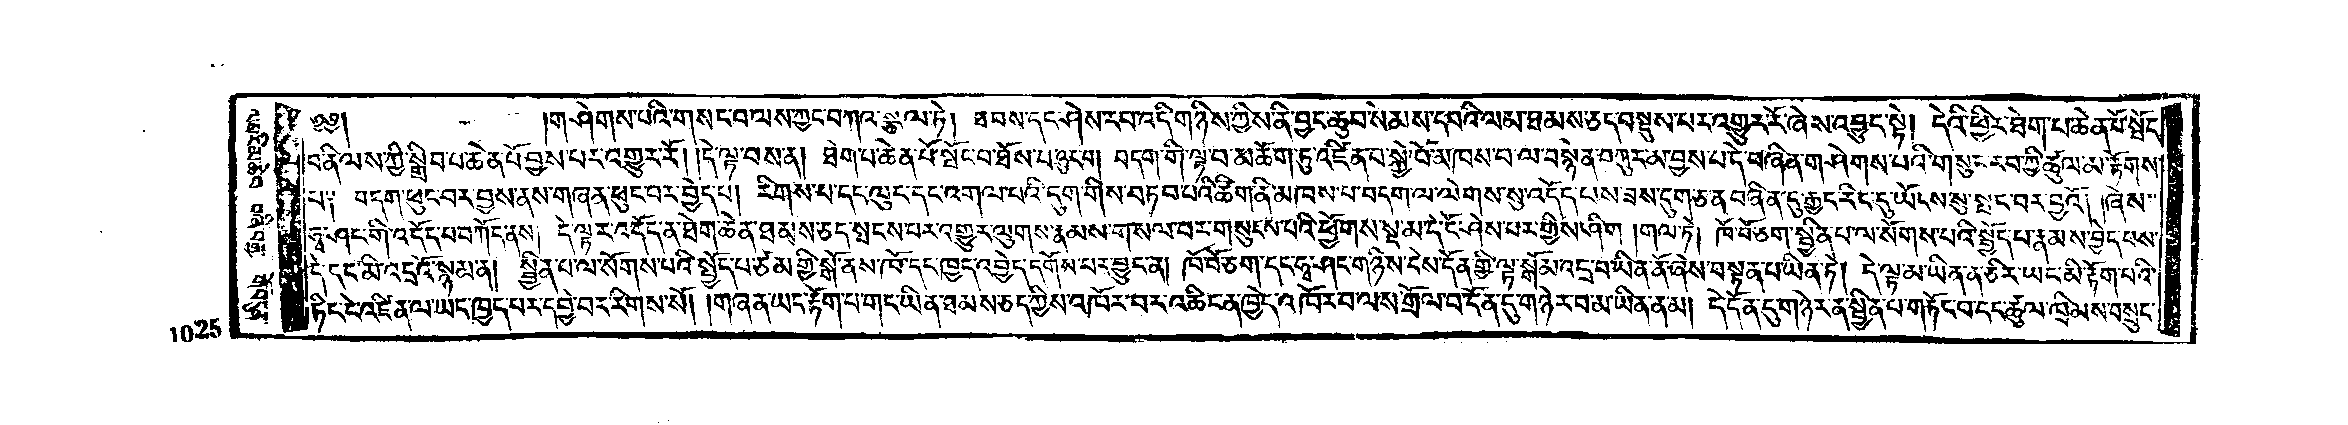༄༅། །གཤེགས་པའི་གསང་བ་ལས་ཀྱང་བཀའ་སྩལ་ཏེ། ཐབས་དང་ཤེས་རབ་འདི་གཉིས་ཀྱིས་ནི་བྱང་ཆུབ་སེམས་དཔའི་ལམ་ཐམས་ཅད་བསྡུས་པར་འགྱུར་རོ་ཞེས་འབྱུང་སྟེ། དེའི་ཕྱིར་ཐེག་པ་ཆེན་པོ་སྤོང་
བ་ནི་ལས་ཀྱི་སྒྲིབ་པ་ཆེན་པོ་བྱས་པར་འགྱུར་རོ། །དེ་ལྟ་བས་ན། ཐེག་པ་ཆེན་པོ་སྤོང་བ་ཐོས་པ་ཉུང་བ། བདག་གི་ལྟ་བ་མཆོག་ཏུ་འཛིན་པ་སྐྱེ་བོ་མཁས་པ་ལ་བསྙེན་བཀུར་མ་བྱས་པ་དེ་བཞིན་གཤེགས་པའི་གསུང་རབ་ཀྱི་ཚུལ་མ་རྟོགས་
པ༑ བདག་ཕུང་བར་བྱས་ནས་གཞན་ཕུང་བར་བྱེད་པ། རིགས་པ་དང་ལུང་དང་འགལ་བའི་དུག་གིས་བཏབ་པའི་ཚིག་ནི་མཁས་པ་བདག་ལ་ལེགས་སུ་འདོད་པས་ཟས་དུག་ཅན་བཞིན་དུ་རྒྱང་རིང་དུ་ཡོངས་སུ་སྤང་བར་བྱའོ། །ཞེས་
ཧྭ་ཤང་གི་འདོད་པ་བཀོད་ནས། དེ་ལྟར་འདོད་ན་ཐེག་ཆེན་ཐམས་ཅད་སྤངས་པར་འགྱུར་ལུགས་རྣམས་གསལ་བར་གསུངས་པའི་ཕྱོགས་སྔ་མ་དེ་ངོ་ཤེས་པར་གྱིས་ཤིག །གལ་ཏེ། ཁོ་བོ་ཅག་སྦྱིན་པ་ལ་སོགས་པའི་སྤྱོད་པ་རྣམས་བྱེད་པས་
དེ་དང་མི་འདྲའོ་སྙམ་ན། སྦྱིན་པ་ལ་སོགས་པའི་སྤྱོད་པ་ཙམ་གྱི་སྒོ་ནས་ཁོ་དང་ཁྱད་འབྱེད་དགོས་པར་བྱུང་ན། ཁོ་བོ་ཅག་དང་ཧྭ་ཤང་གཉིས་ངེས་དོན་གྱི་ལྟ་སྒོམ་འདྲ་བ་ཡིན་ནོ་ཞེས་བསྟན་པ་ཡིན་ཏེ། དེ་ལྟ་མ་ཡིན་ན་ཅིར་ཡང་མི་རྟོག་པའི་
ཏིང་ངེ་འཛིན་ལ་ཡང་ཁྱད་པར་དབྱེ་བར་རིགས་སོ། །གཞན་ཡང་རྟོག་པ་གང་ཡིན་ཐམས་ཅད་ཀྱིས་འཁོར་བར་འཆིང་ན་ཁྱེད་འཁོར་བ་ལས་གྲོལ་བ་དོན་དུ་གཉེར་བ་མ་ཡིན་ནམ། དེ་དོན་དུ་གཉེར་ན་སྦྱིན་པ་གཏོང་བ་དང་ཚུལ་ཁྲིམས་བསྲུང་